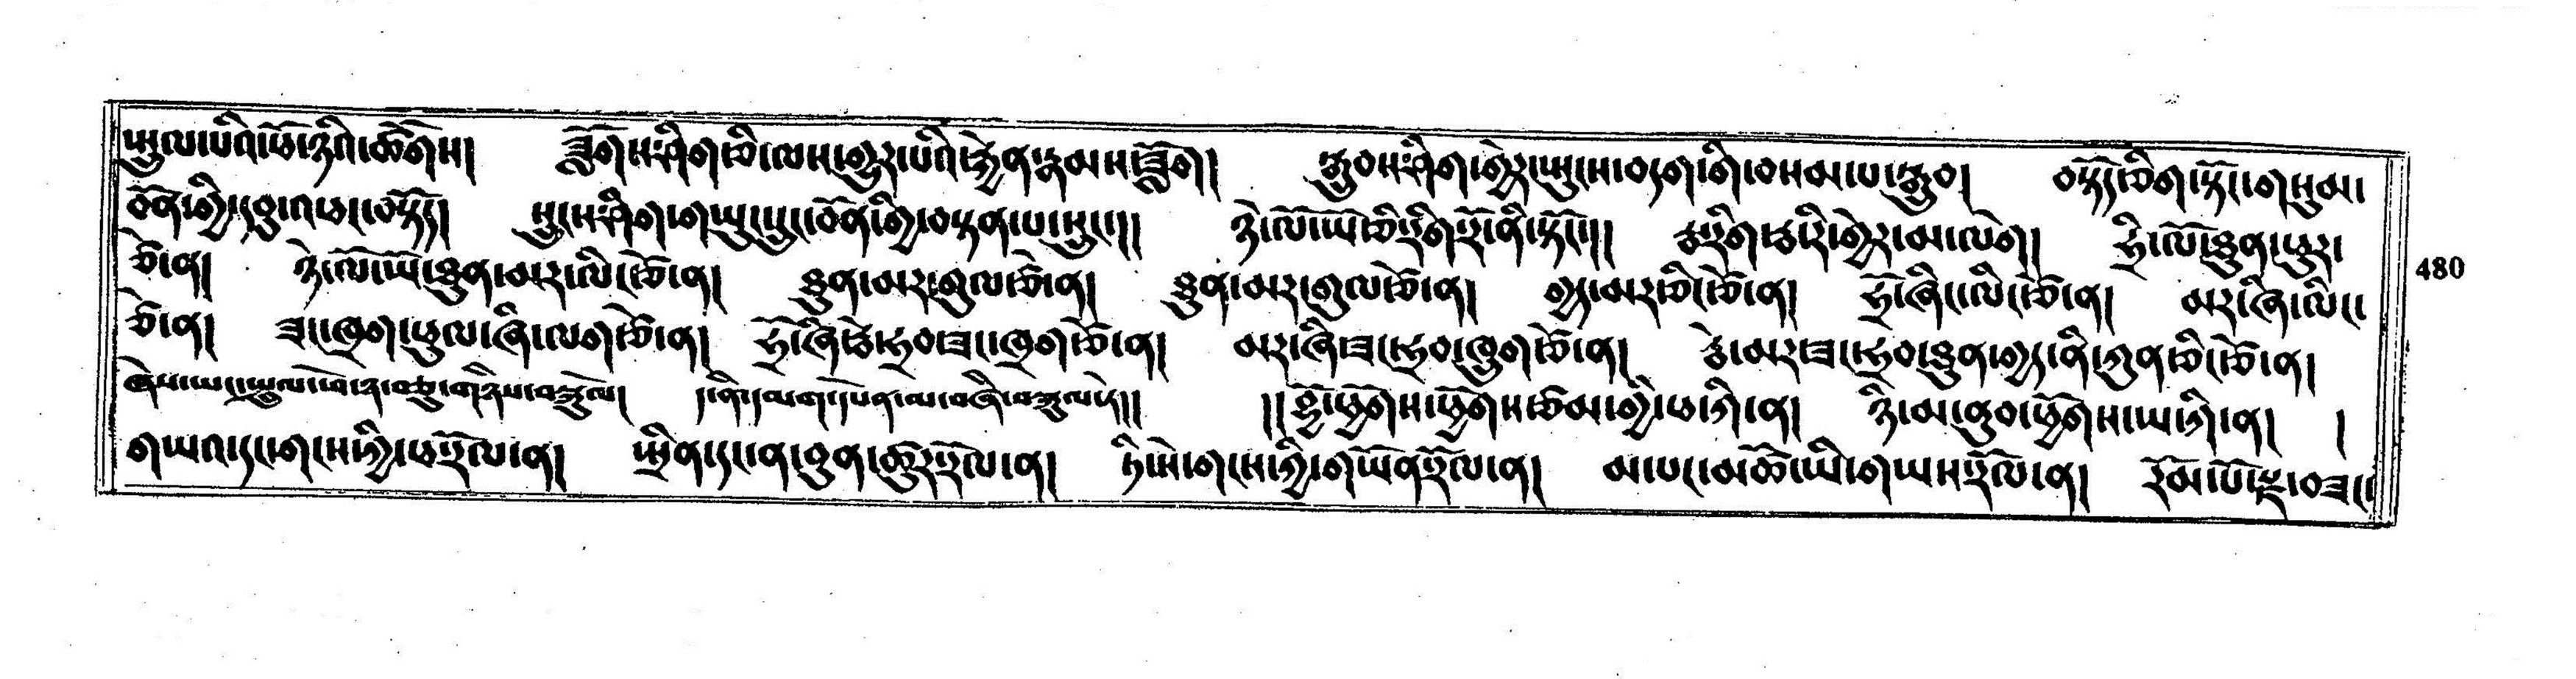སྤྲུལ་པའི་ཕོ་ཉའི་ཚོགས། ཟློགས་ཤིག་ཅི་ལས་གྱུར་པའི་རྐྱེན་རྣམས་ཟློག སྒྲུབས་ཤིག་གྱེར་སྤུངས་བདག་གིས་བསམ་པ་སྒྲུབ། བསྟོད་ཅིག་སྟོང་གསུམ་
བོན་གྱི་དབུ་འཕང་བསྟོད། སྲུངས་{493}ཤིག་གཡུང་དྲུང་བོན་གྱི་བསྟན་པ་སྲུང་།། ཉེ་ལོ་ཡོ་ཅི་རིག་རོ་ནི་སྟོང་།། རྦ་རིག་རྦ་རི་གྱེར་མ་ལེག ཧྲི་ལོ་ཐུན་ཕུར་
ཙེ་ན། ཉེ་ལོ་ཡོ་ཐུན་མར་ལིང་ཙེ་ན། ཐུན་མར་གུལ་ཙེ་ན། ཐུན་མར་གུལ་ཙེ་ན། གྱད་མར་ཅིང་ཙེ་ན། ཧྲོ་ཞིང་ལིང་ཙེ་ན། མར་ཞི་ལིང་
ཙེ་ན། ཟང་ཁྲག་ཕུལ་ཞི་ལག་ཙེ་ན། ཧྲོ་ཞི་རྦེ་ཧྲབ་ཟང་ཁྲག་ཙེ་ན། མར་ཞི་ཟང་ཧྲབ་ཁྲུག་ཙེ་ན། རྦེ་མར་ཟང་ཧྲབ་ཐུན་གྱད་ནི་ཀུན་ཅིང་ཙེ་ན། 
ཞེས་ཡང་སྤྲུལ་ཕོ་ཉ་བཅུ་གཉིས་བསྐུལ་ལོ། ད་ནི་དམག་དཔོན་མ་བཞི་བསྐུལ་ཏེ།། །།བྷྱོ་ཕྱོགས་ཕྱོགས་ཙམ་གྱི་ཕ་ཀི་ན། ཉི་མ་ནུབ་ཕྱོགས་ཡ་ཀི་ན། 
གཡའ་དང་གངས་ཀྱི་ཕ་རོལ་ན། སྤྲིན་དང་ན་བུན་ཚུར་རོལ་ན། ཏི་སེ་གངས་ཀྱི་གཡོན་རོལ་ན། མ་པང་མཚོ་ཡི་གཡས་རོལ་ན། རོམ་པོ་རྫ་བཟང་